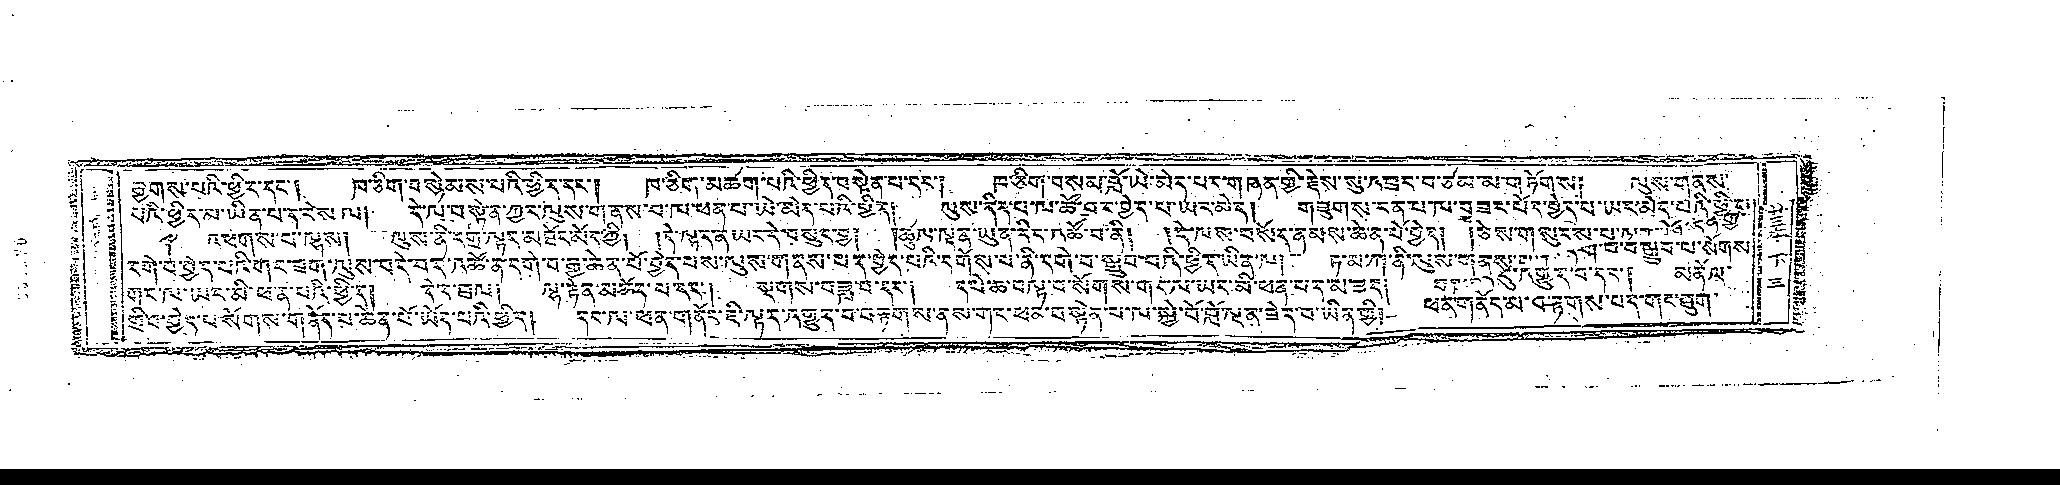རྒྱགས་པའི་ཕྱིར་དང་། ཁ་ཅིག་བསྙེམས་པའི་ཕྱིར་དང་། ཁ་ཅིག་མཚག་བའི་ཕྱིར་བསྟེན་བ་དང་། ཁ་ཅིག་བསམ་བློ་ཡེ་མེད་པར་གཞན་གྱི་རྗེས་སུ་འབྲད་བ་ཙམ་མ་གཏོགས། ལུས་གནས་
པའི་ཕྱིར་མ་ཡིན་བ་དེ་ངེས་ལ། དེ་ལ་བསྟེན་ཀྱང་ལུས་གནས་པ་ལ་ཕན་པ་ཡེ་མེད་པའི་ཕྱིར། ལུས་དིར་པ་ལ་ཚོ་བར་བྱེད་པ་ཡང་མེད། གཟུགས་དན་པ་ལ་བཟང་པོར་བྱེད་པ་ཡང་མེད་པའི་ཕྱིར།།
༈ འཕགས་པ་ལྷས། ལུས་ནི་དགྲ་ལྟར་མཐོང་མོད་ཀྱི། །དེ་ལྟར་ན་ཡང་དེ་བསྲུང་བྱ། །ཚུལ་ལྡན་ཡུན་རིང་འཚོ་བ་ནི། །དེ་ལས་བསོད་ནམས་ཆེན་པོ་བྱེད། །ཅེས་གསུངས་པ་ལྟར་དོན་ལྡན་གྱི་
དགེ་བ་བྱེད་བ་ནི་གང་ཟག་ལུས་བདེ་བར་འཆོ་ན་དགེ་བ་རྒྱ་ཆེན་པོ་བྱེད་པས་ལུས་གནས་པར་བྱེད་པའི་དགོས་པ་ནི་དགེ་བ་སྒྲུབ་བའི་ཕྱིར་ཡིན་ལ། ཏ་མ་ཀ་ནི་ལུས་གནས་པ་དང་དགེ་བ་བསྒྲུབ་པ་སོགས་
གང་ལ་ཡང་མི་ཕན་པའི་ཕྱིར། དེར་ཐལ། ལྷ་རྟན་མཆོད་བ་དང་། སྔགས་བཟླ་བ་དང་། དཔེ་ཆ་བལྟ་བ་སོགས་གང་ལ་ཡང་མི་ཕན་པར་མ་ཟད། བར་ཆད་དུ་འགྱུར་བ་དང་། མནོལ་
གྲིབ་བྱེད་བ་སོགས་གནོད་པ་ཆེན་པོ་ཡོད་བའི་ཕྱིར། རང་ལ་ཕན་གནོད་ཇི་ལྟར་འགྱུར་བ་བརྟགས་ནས་གང་ཕམ་བསྟེན་པ་ལ་སྐྱེ་བོ་བློ་ལྡན་ཟེར་བ་ཡིན་གྱི། ཕན་གནོད་མ་བརྟགས་པར་གང་ཐུག་